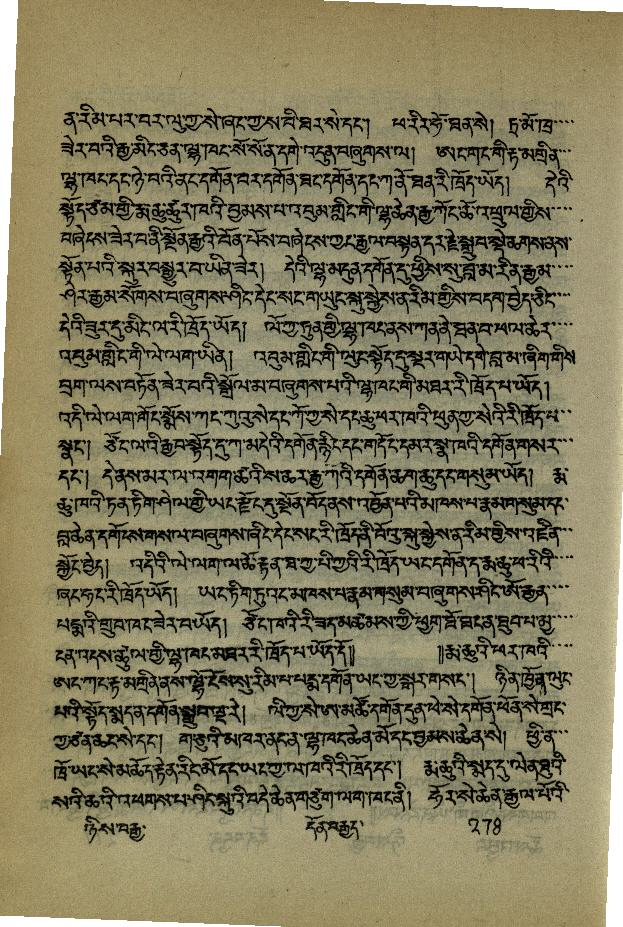ན་རིམ་པར་བར་ལུ་ཀྱ་སེ་ཞང་ཀྱ་ས་བི་ཐར་སེ་དང་། ཕ་རིར་ཧོ་ཐན་སེ། ཏྲ་མོ་ཁྲ་
ཟེར་བའི་རྒྱ་མིང་ཅན་ལྷ་ཁང་སོ་སོ་ན་དགེ་འདུན་བཞུགས་ལ། ཨང་གང་གི་རྟ་མགྲིན་
ལྷ་ཁང་དང་ཉེ་བའི་ནང་དགོན་བར་དགོན་ཐང་དགོན་དང་ཀ་ནོ་ཐན་རི་ཁྲོད་ཡོད། དེའི་
སྟོད་ཙམ་གྱི་རྨ་ཆུ་ཚུར་ཁའི་བྱམས་པ་འབུམ་གླིང་གི་ལྷ་ཆེན་རྒྱ་ཀོང་ཆོ་འཕྲུལ་གྱིས་
བཞེངས་ཟེར་བ་ནི་སྔོན་རྒྱའི་བོན་པོས་བཞེངས་ཀྱང་རྒྱལ་བསྟན་དར་རྗེ་སྒྲུབ་སྡེ་ཆགས་ནས་
སྟོན་པའི་སྐུར་བསྒྱུར་བ་ཡིན་ཟེར། དེའི་ལྷ་མདུན་དགོན་དུ་ཕྱིས་སུ་བླ་མ་རིན་རྒྱམ་
ཤེར་རྒྱམ་སོགས་བཞུགས་ཤིང་དེང་སང་གཡུང་སྐུ་སྐྱེས་ན་རིམ་གྱིས་བདག་བྱེད་ཅིང་
དེའི་ཟུར་དུ་མིང་ལ་རི་ཁྲོད་ཡོད། ལོ་ཀྱ་ཏུན་གྱི་ལྷ་ཁང་ན་ས་ཀན་ནེ་ཐན་བ་ཕལ་ཆེར་
འབུམ་གླིང་གི་ལེ་ལག་ཡིན། འབུམ་གླིང་གི་ལུང་སྟོད་དུ་སྔར་གཡེ་དགེ་བླ་མ་ཞིག་གིས་
བྲག་ལས་བཏོན་ཟེར་བའི་སྒྲོལ་མ་བཞུགས་པའི་ལྷ་ཁང་གི་མཐར་རི་ཁྲོད་པ་ཡོད།
འདི་ལེ་ལག་གོང་སྨོས་ཀང་ཀུའུ་སེ་དང་ཀོ་ཀྱ་སེ་དང་ཆུ་ཕྱར་ཁའི་ཕུན་ཀྱ་སེའི་རི་ཁྲོད་པ་
སྣང་། ཙོང་ལའི་རྒྱབ་སྟོད་དུ་ཀ་མདེའི་དགོན་རྙིང་དང་གདོང་དམར་སྣ་ཁའི་དགོན་གསར་
དང་། དེ་ནས་མར་ལ་འགག་ཚའི་ས་ཆར་རྒྱ་ཀོའི་དགོན་ཆག་ཆུ་དང་གསུམ་ཡོད། རྨ་
ཆུ་ཁའི་ཏན་ཏིག་ཤེལ་གྱི་ཡང་རྫོང་དུ་སྔོན་བོད་ནས་འབྱོན་པའི་མཁས་པ་རྣམ་གསུམ་དང་
བླ་ཆེན་དགོངས་གསལ་བཞུགས་ཞིང་དེང་སང་རི་ཁྲོད་ནི་བོའུ་སྐུ་སྐྱེས་ན་རིམ་གྱིས་འཛིན་
སྐྱོང་བྱེད། འདིའི་ལེ་ལག་ལ་ཆོ་རྟན་ཐ་ཀྱ་པི་ཀྱའི་རི་ཁྲོད་ཡང་དགོན་ད་རྨ་ཆུ་ཕ་རིའི་
ཞང་ཧང་རི་ཁྲོད་ཡོད། ཡང་ཏིག་ཏུ་འང་མཁས་པ་རྣམ་གསུམ་བཞུགས་ཤིང་ཨོ་རྒྱན་
པདམའི་གྲུབ་ཁང་ཟེར་བ་ཡོད། ཙོང་ཁའི་རི་ཟད་མཚམས་ཀྱི་ཕྱག་ཐོ་ཐང་ན་ཐུབ་པ་མྱ་
ངན་འདས་ཚུལ་གྱི་ལྷ་ཁང་མཐར་རི་ཁྲོད་པ་ཡོད་དོ།། །།རྨ་ཆུའི་ཕར་ཁའི་
ཨང་ཀང་རྟ་མགྲིན་ནས་ལྷོ་ངོས་སུ་རིམ་པ་པདམ་དགོན་ཡང་ཀྱ་སྒར་གསང་། ཉིན་ཁྱོན་ལུང་
པའི་སྟོད་སྨད་ན་དགོན་སྒྲུབ་ལྔ་རེ། ལི་ཀྱ་སེ་ཨ་མཚོ་དགོན་དུན་ཕེ་སེ་དགོན་ཕོན་སེ་གྲང་
ཀྱ་ཙན་ཆང་སེ་དང་། ག་ཅུའི་མཁར་ནང་ན་ལྷ་ཁང་ཆེན་མོ་དང་བྱམས་ཆེན་སེ། ཕྱི་ན་
ཁྲོ་ཡང་སེ་མཆོད་རྟེན་རིང་མོ་དང་ཡང་ཀྱ་ལ་ཁའི་རི་ཁྲོད་དང་། རྨ་ཆུའི་སྨད་དུ་ལེན་ཐུའི་
སའི་ཆའི་འཕགས་པ་ཤིང་སྐུའི་བདེ་ཆེན་གཙུག་ལག་ཁང་ནི། ཧོར་སེ་ཆེན་རྒྱལ་པོའི་